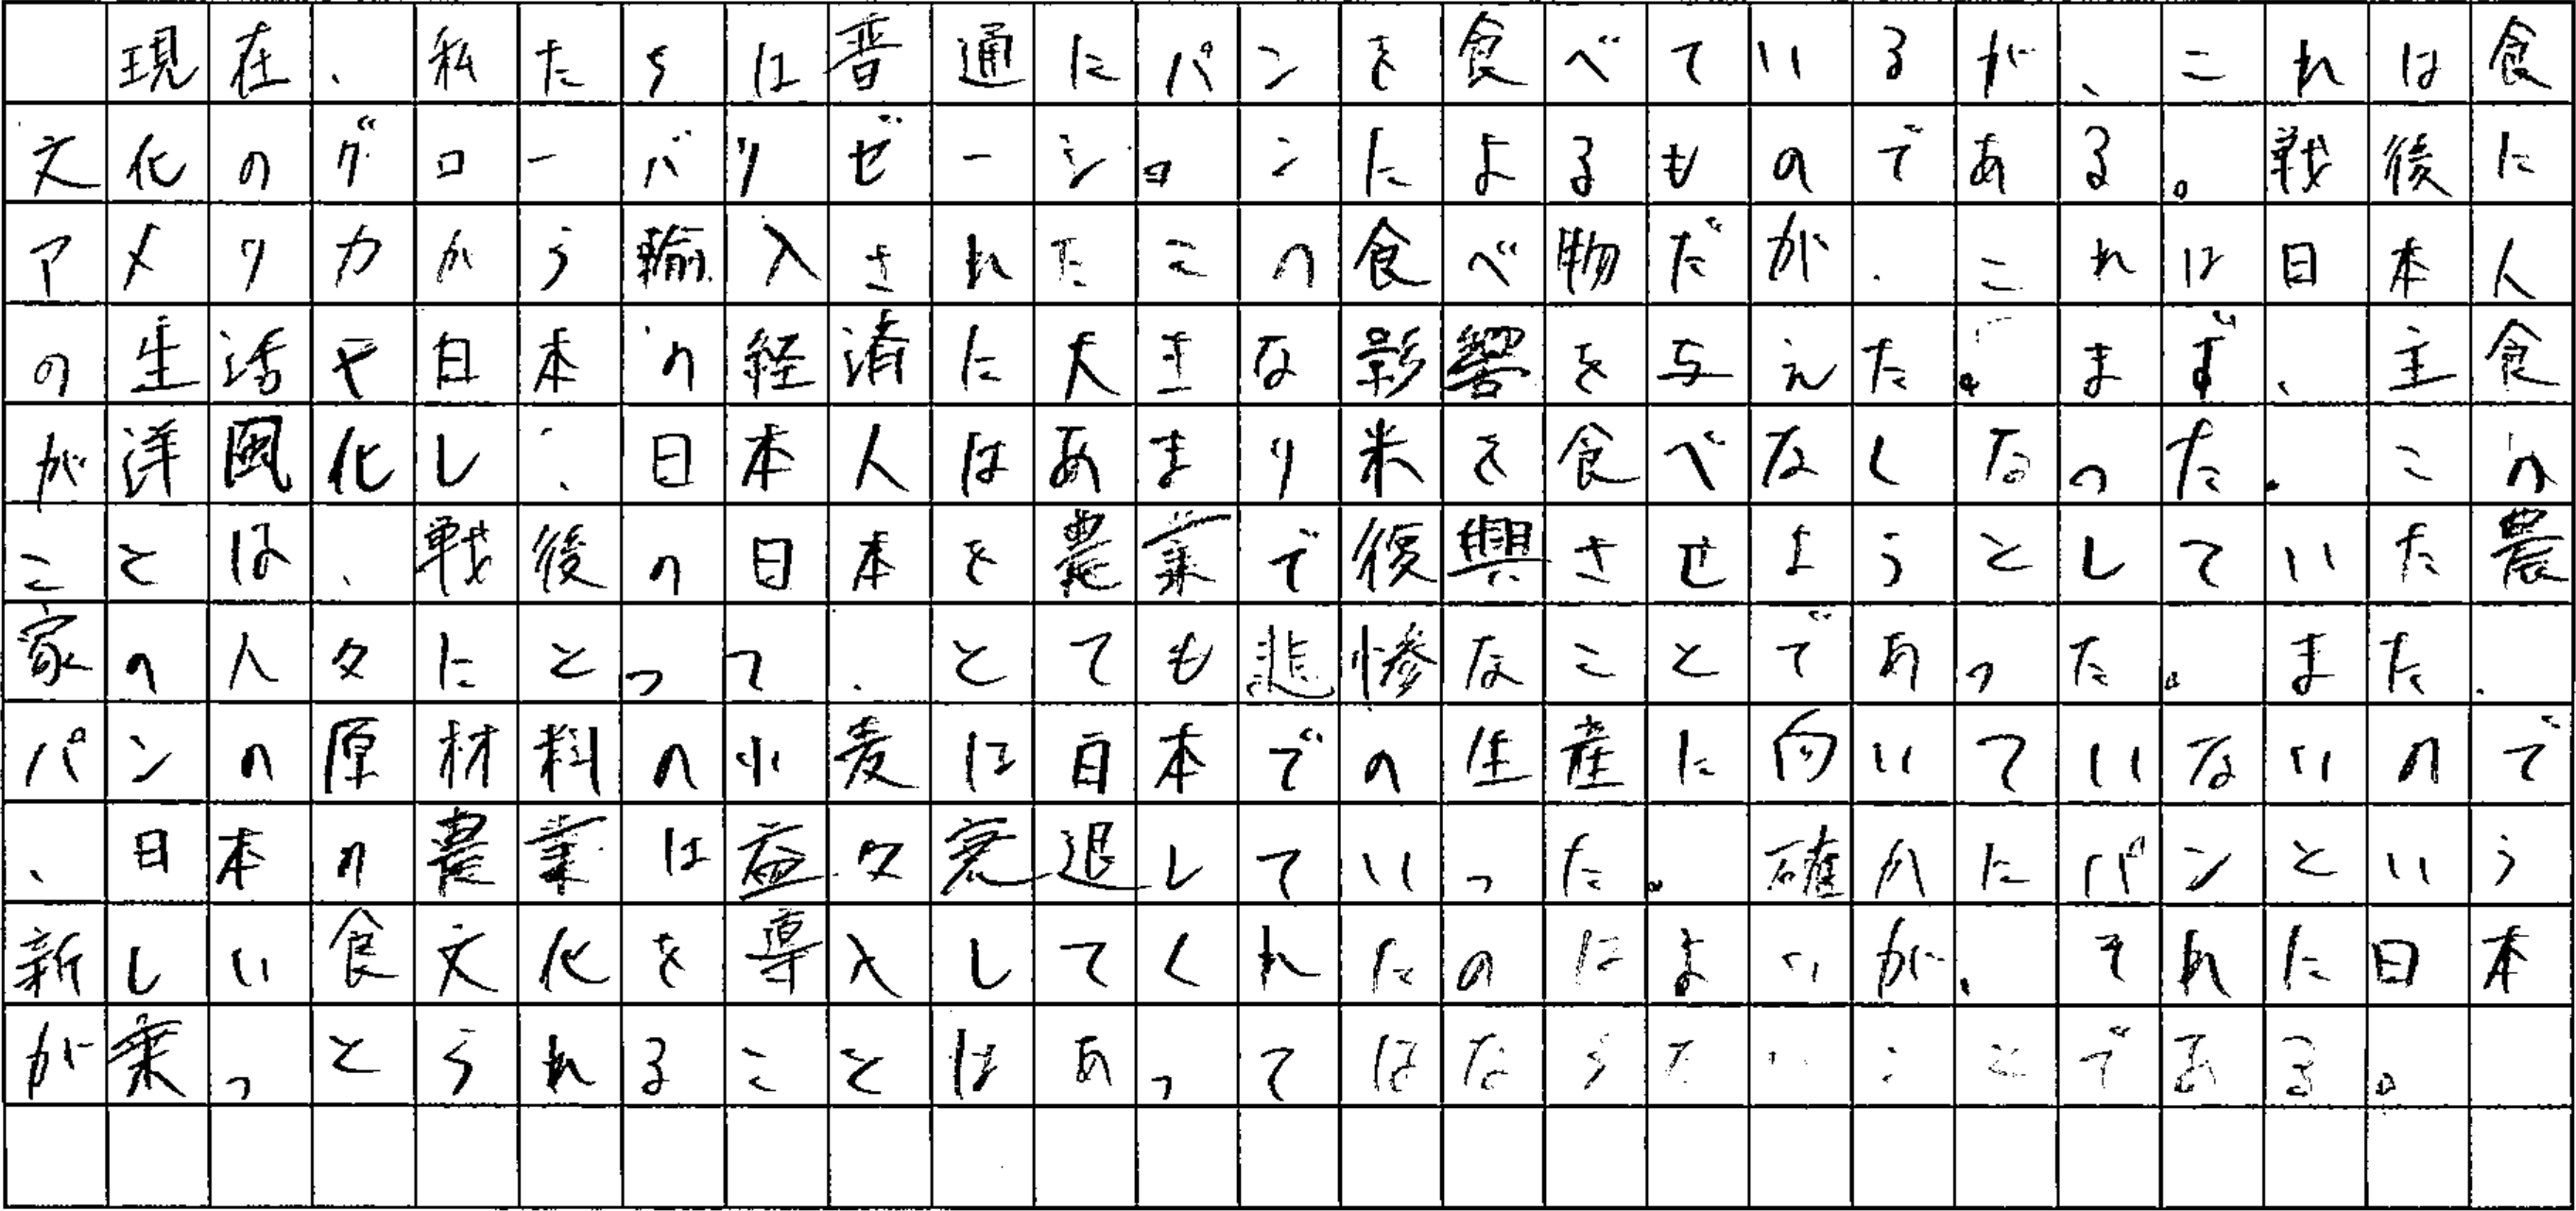　現在、私たちは普通にパンを食べているが、これは食文化のグローバリゼーションによるものである。戦後にアメリカから輸入されたこの食べ物だが、これは日本人の生活や日本の経済に大きな影響を与えた。まず、主食が洋風化し、日本人はあまり米を食べなくなった。このことは、戦後の日本を農業で復興させようとしていた農家の人々にとって、とても悲惨なことであった。また、パンの原材料の小麦は日本での生産に向いていないので、日本の農業は益々衰退していった。確かにパンという新しい食文化を導入してくれたのはよいが、それに日本が乗っとられることはあってはならないことである。
